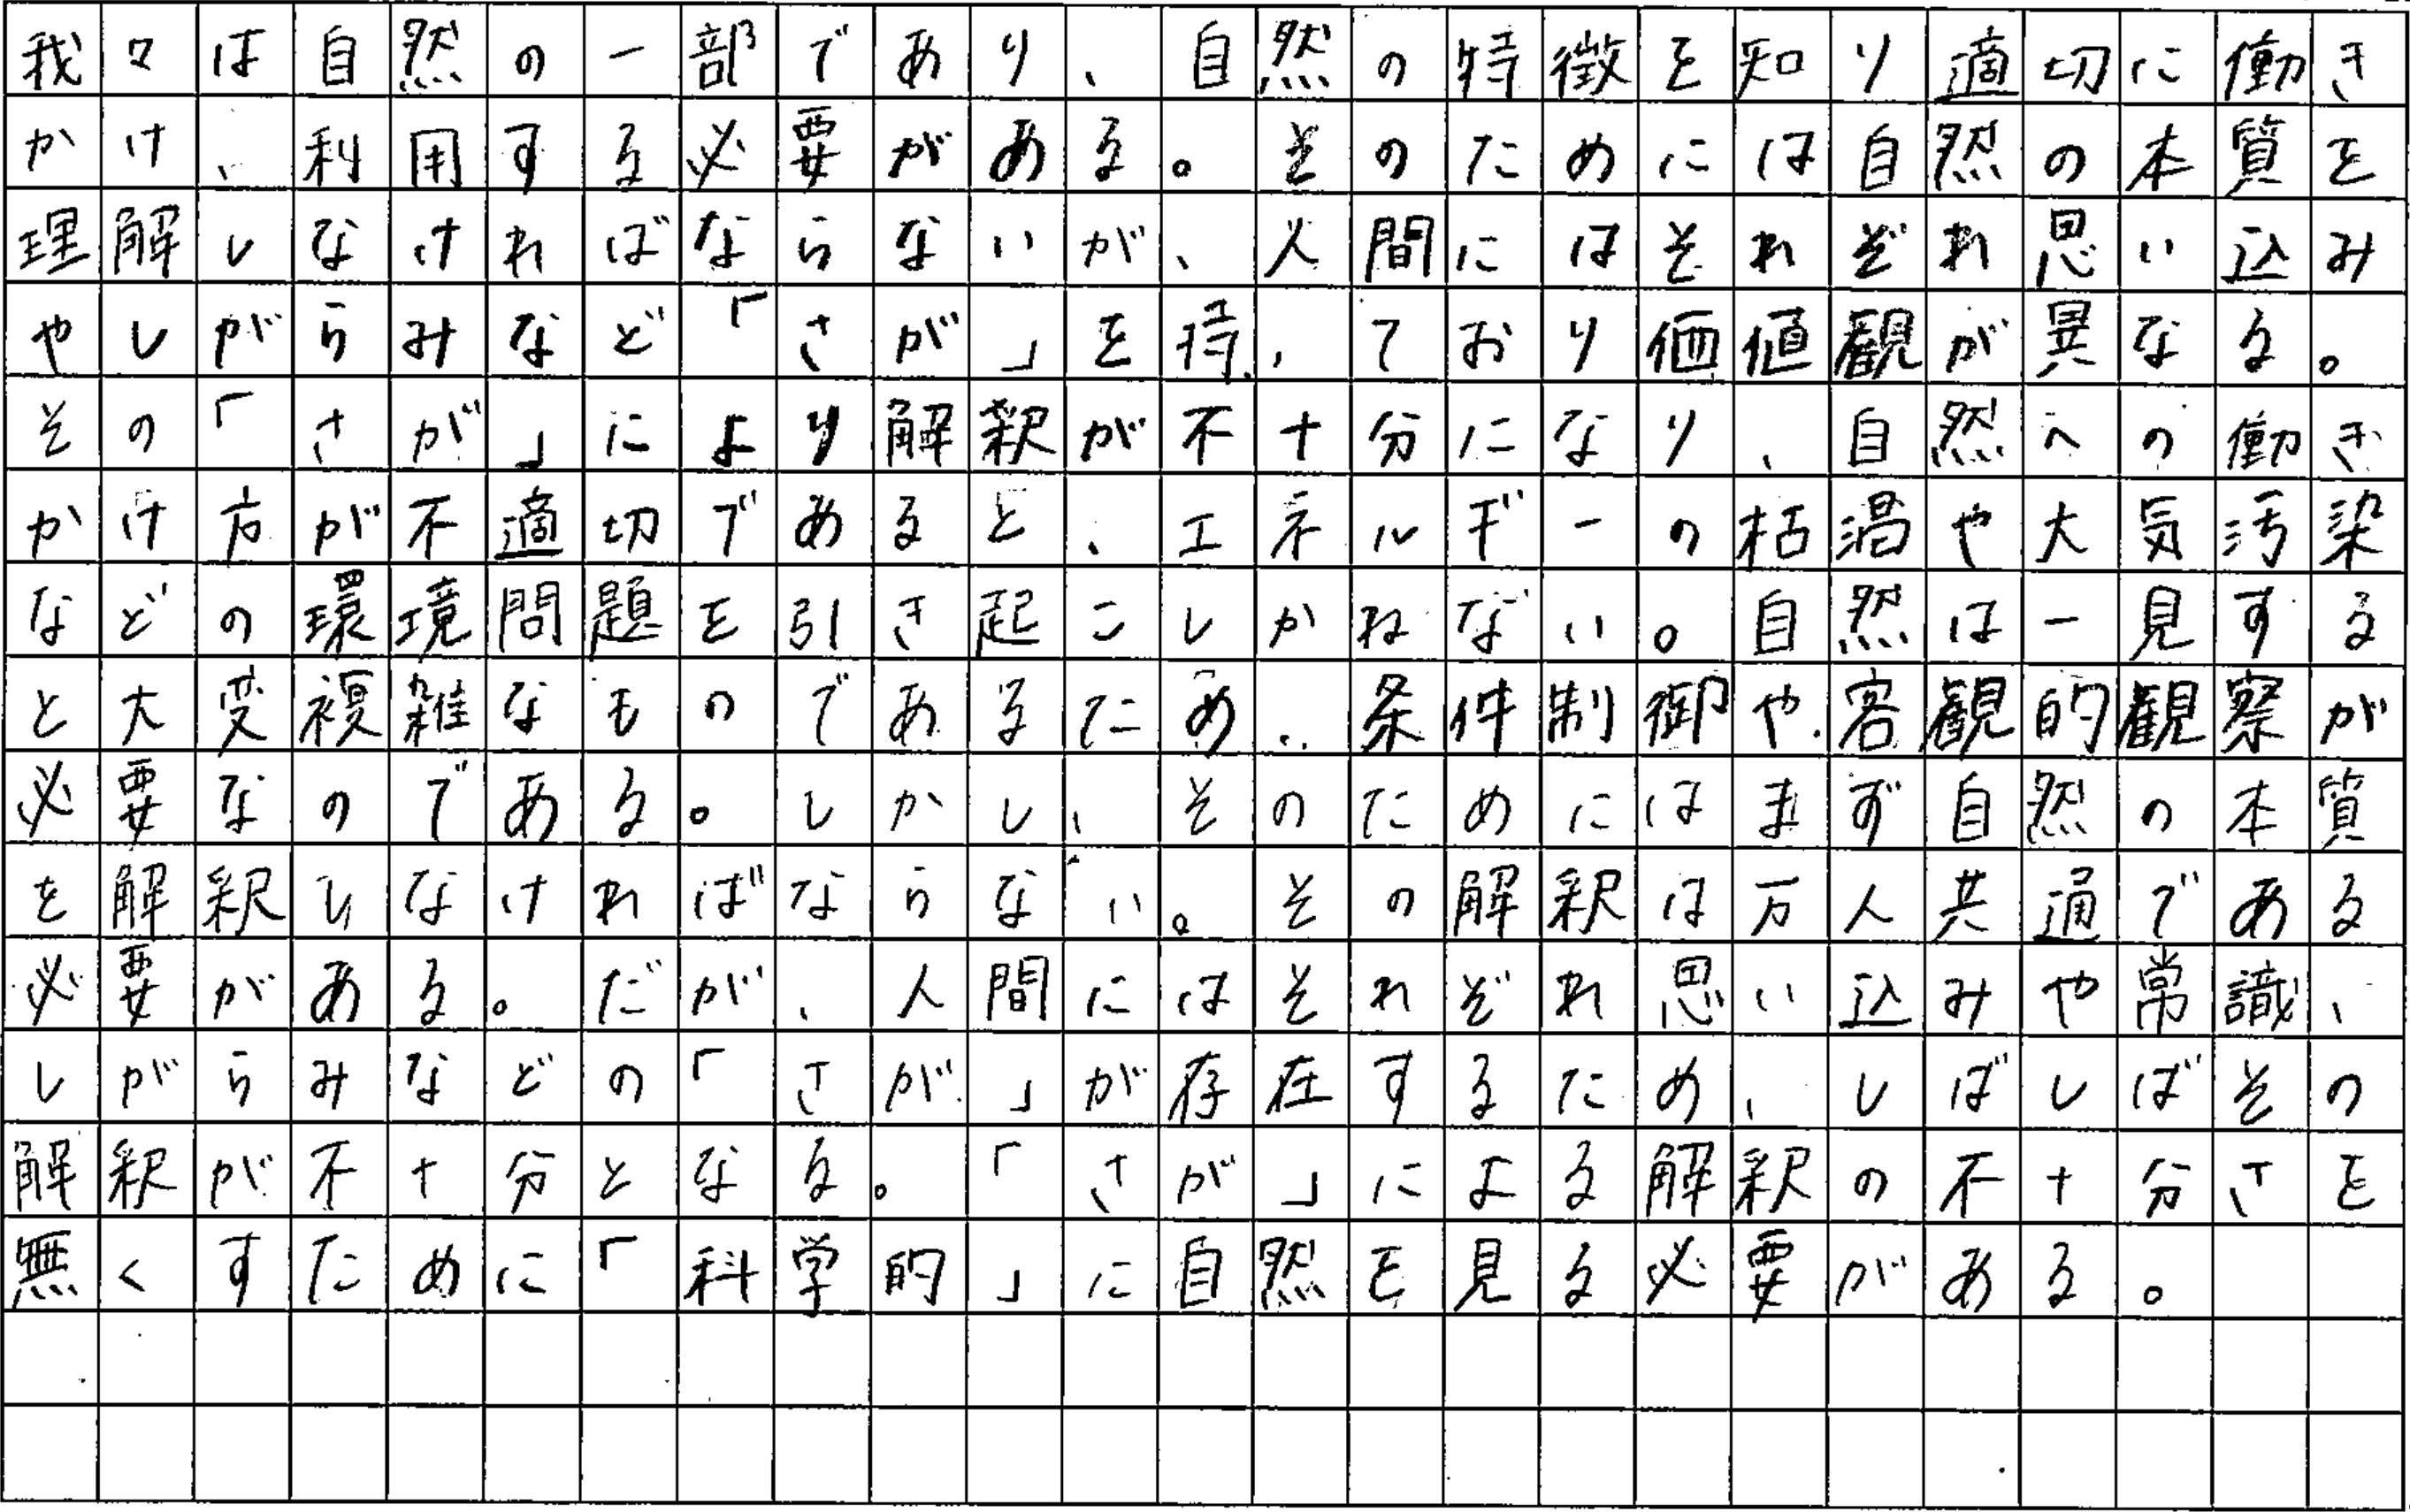我々は自然の一部であり、自然の特徴を知り適切に働きかけ、利用する必要がある。そのためには自然の本質を理解しなければならないが、人間にはそれぞれ思い込みやしがらみなど「さが」を持っており価値観が異なる。その「さが」により解釈が不十分になり、自然への働きかけ方が不適切であると、エネルギーの枯渇や大気汚染などの環境問題を引き起こしかねない。自然は一見すると大変複雑なものであるため、条件制御や客観的観察が必要なのである。しかし、そのためにはまず自然の本質を解釈しなければならない。その解釈は万人共通である必要がある。だが、人間にはそれぞれ思い込みや常識、しがらみなどの「さが」が存在するため、しばしばその解釈が不十分となる。「さが」による解釈の不十分さを無くすために「科学的」に自然を見る必要がある。
